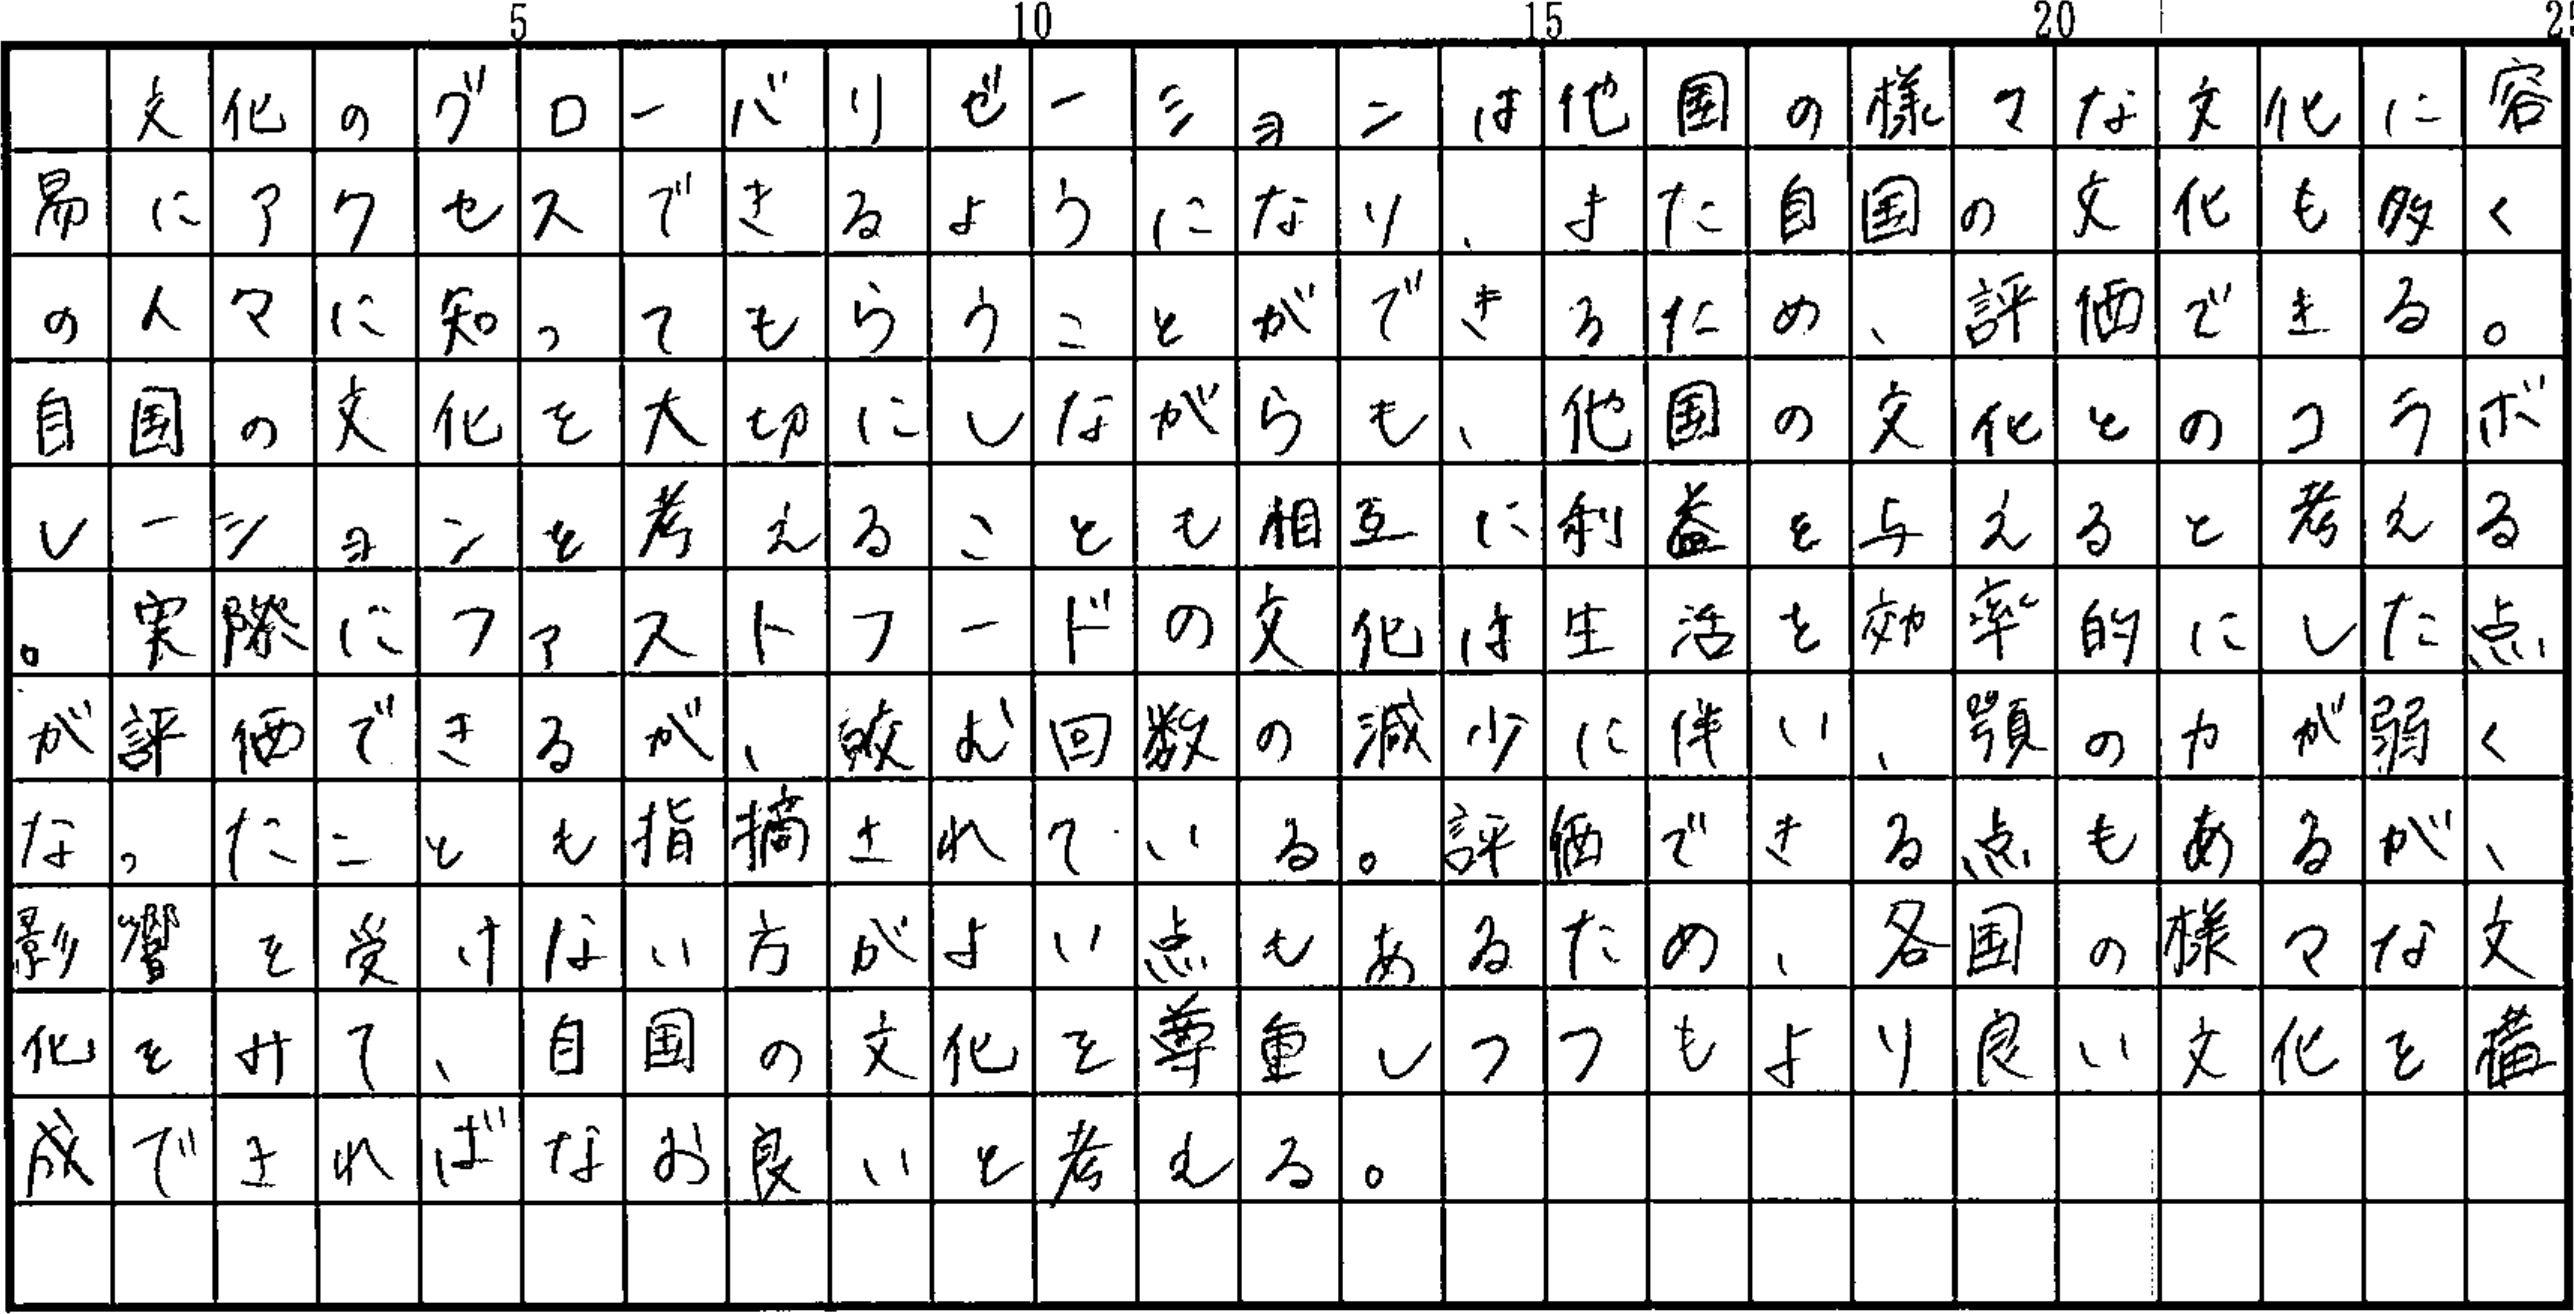　文化のグローバリゼーションは他国の様々な文化に容易にアクセスできるようになり、また自国の文化も多くの人々に知ってもらうことができるため、評価できる。自国の文化を大切にしながらも、他国の文化とのコラボレーションを考えることも相互に利益を与えると考える。実際にファストフードの文化は生活を効率的にした点が評価できるが、▁む回数の減少に伴い、顎の力が弱くなったことも指摘されている。評価できる点もあるが、影響を受けない方がよい点もあるため、各国の様々な文化をみて、自国の文化を尊重しつつもより良い文化を構成できればなお良いと考える。
